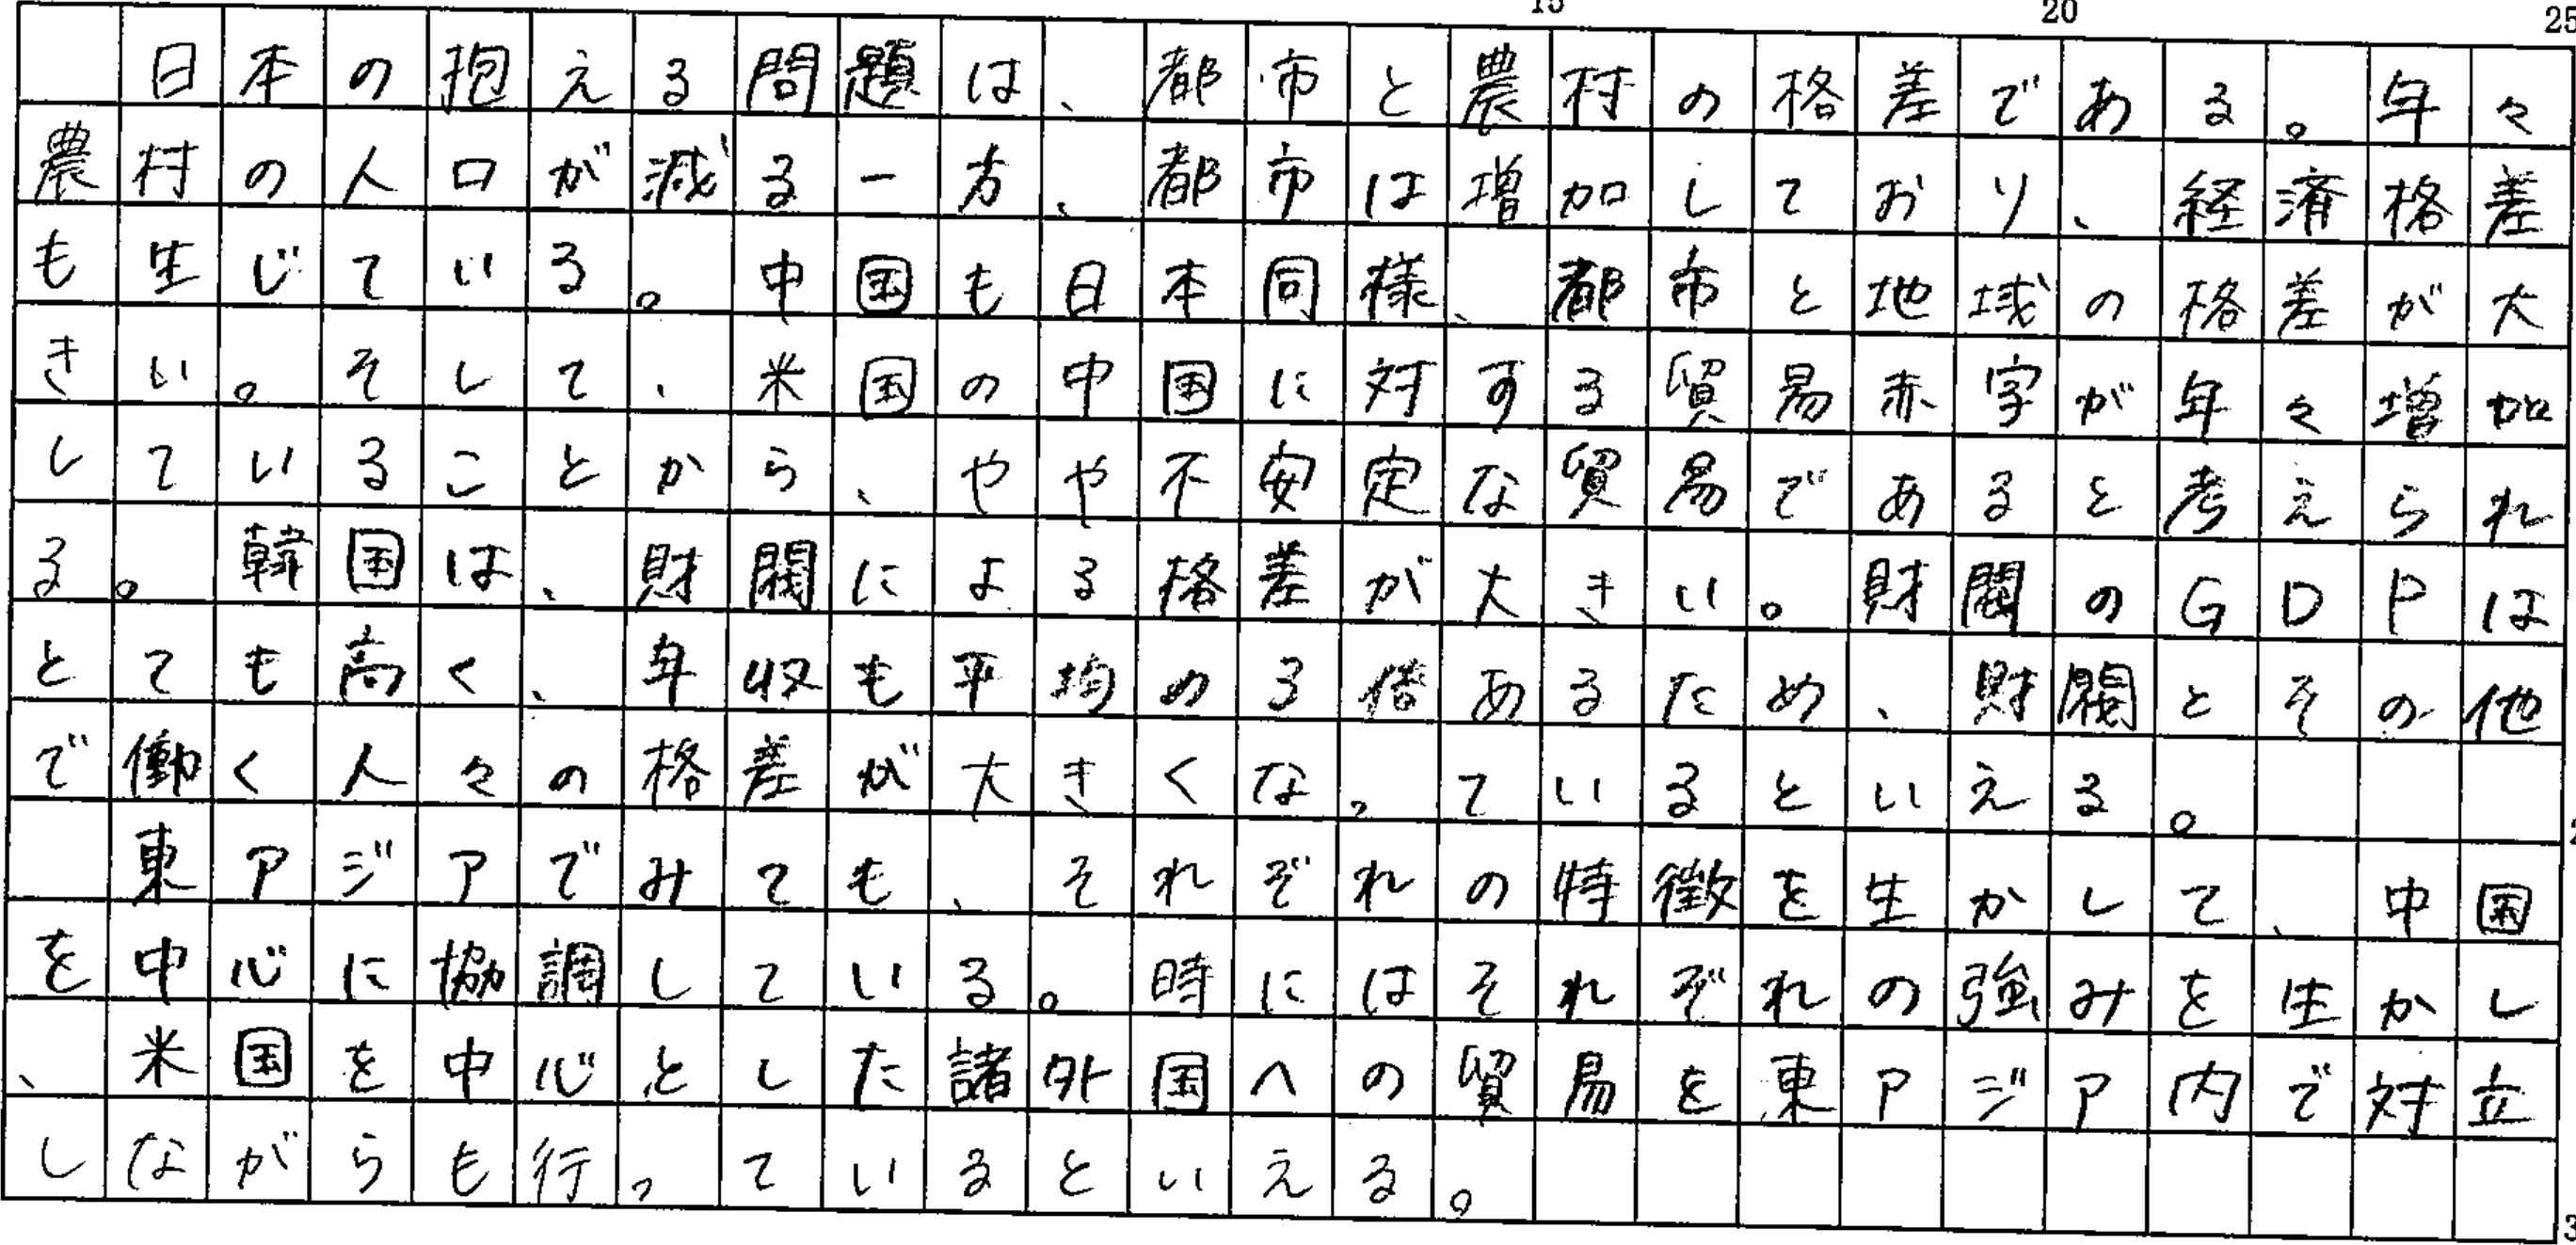　日本の抱える問題は、都市と農村の格差である。年々農村の人口が減る一方、都市は増加しており、経済格差も生じている。中国も日本同様、都市と地域の格差が大きい。そして、米国の中国に対する貿易赤字が年々増加していることから、やや不安定な貿易であると考えられる。韓国は、財閥による格差が大きい。財閥のＧＤＰはとても高く、年収も平均の３倍あるため、財閥とその他で働く人々の格差が大きくなっているといえる。
　東アジアでみても、それぞれの特徴を生かして、中国を中心に協調している。時にはそれぞれの強みを生かし、米国を中心とした諸外国への貿易を東アジア内で対立しながらも行っているといえる。
